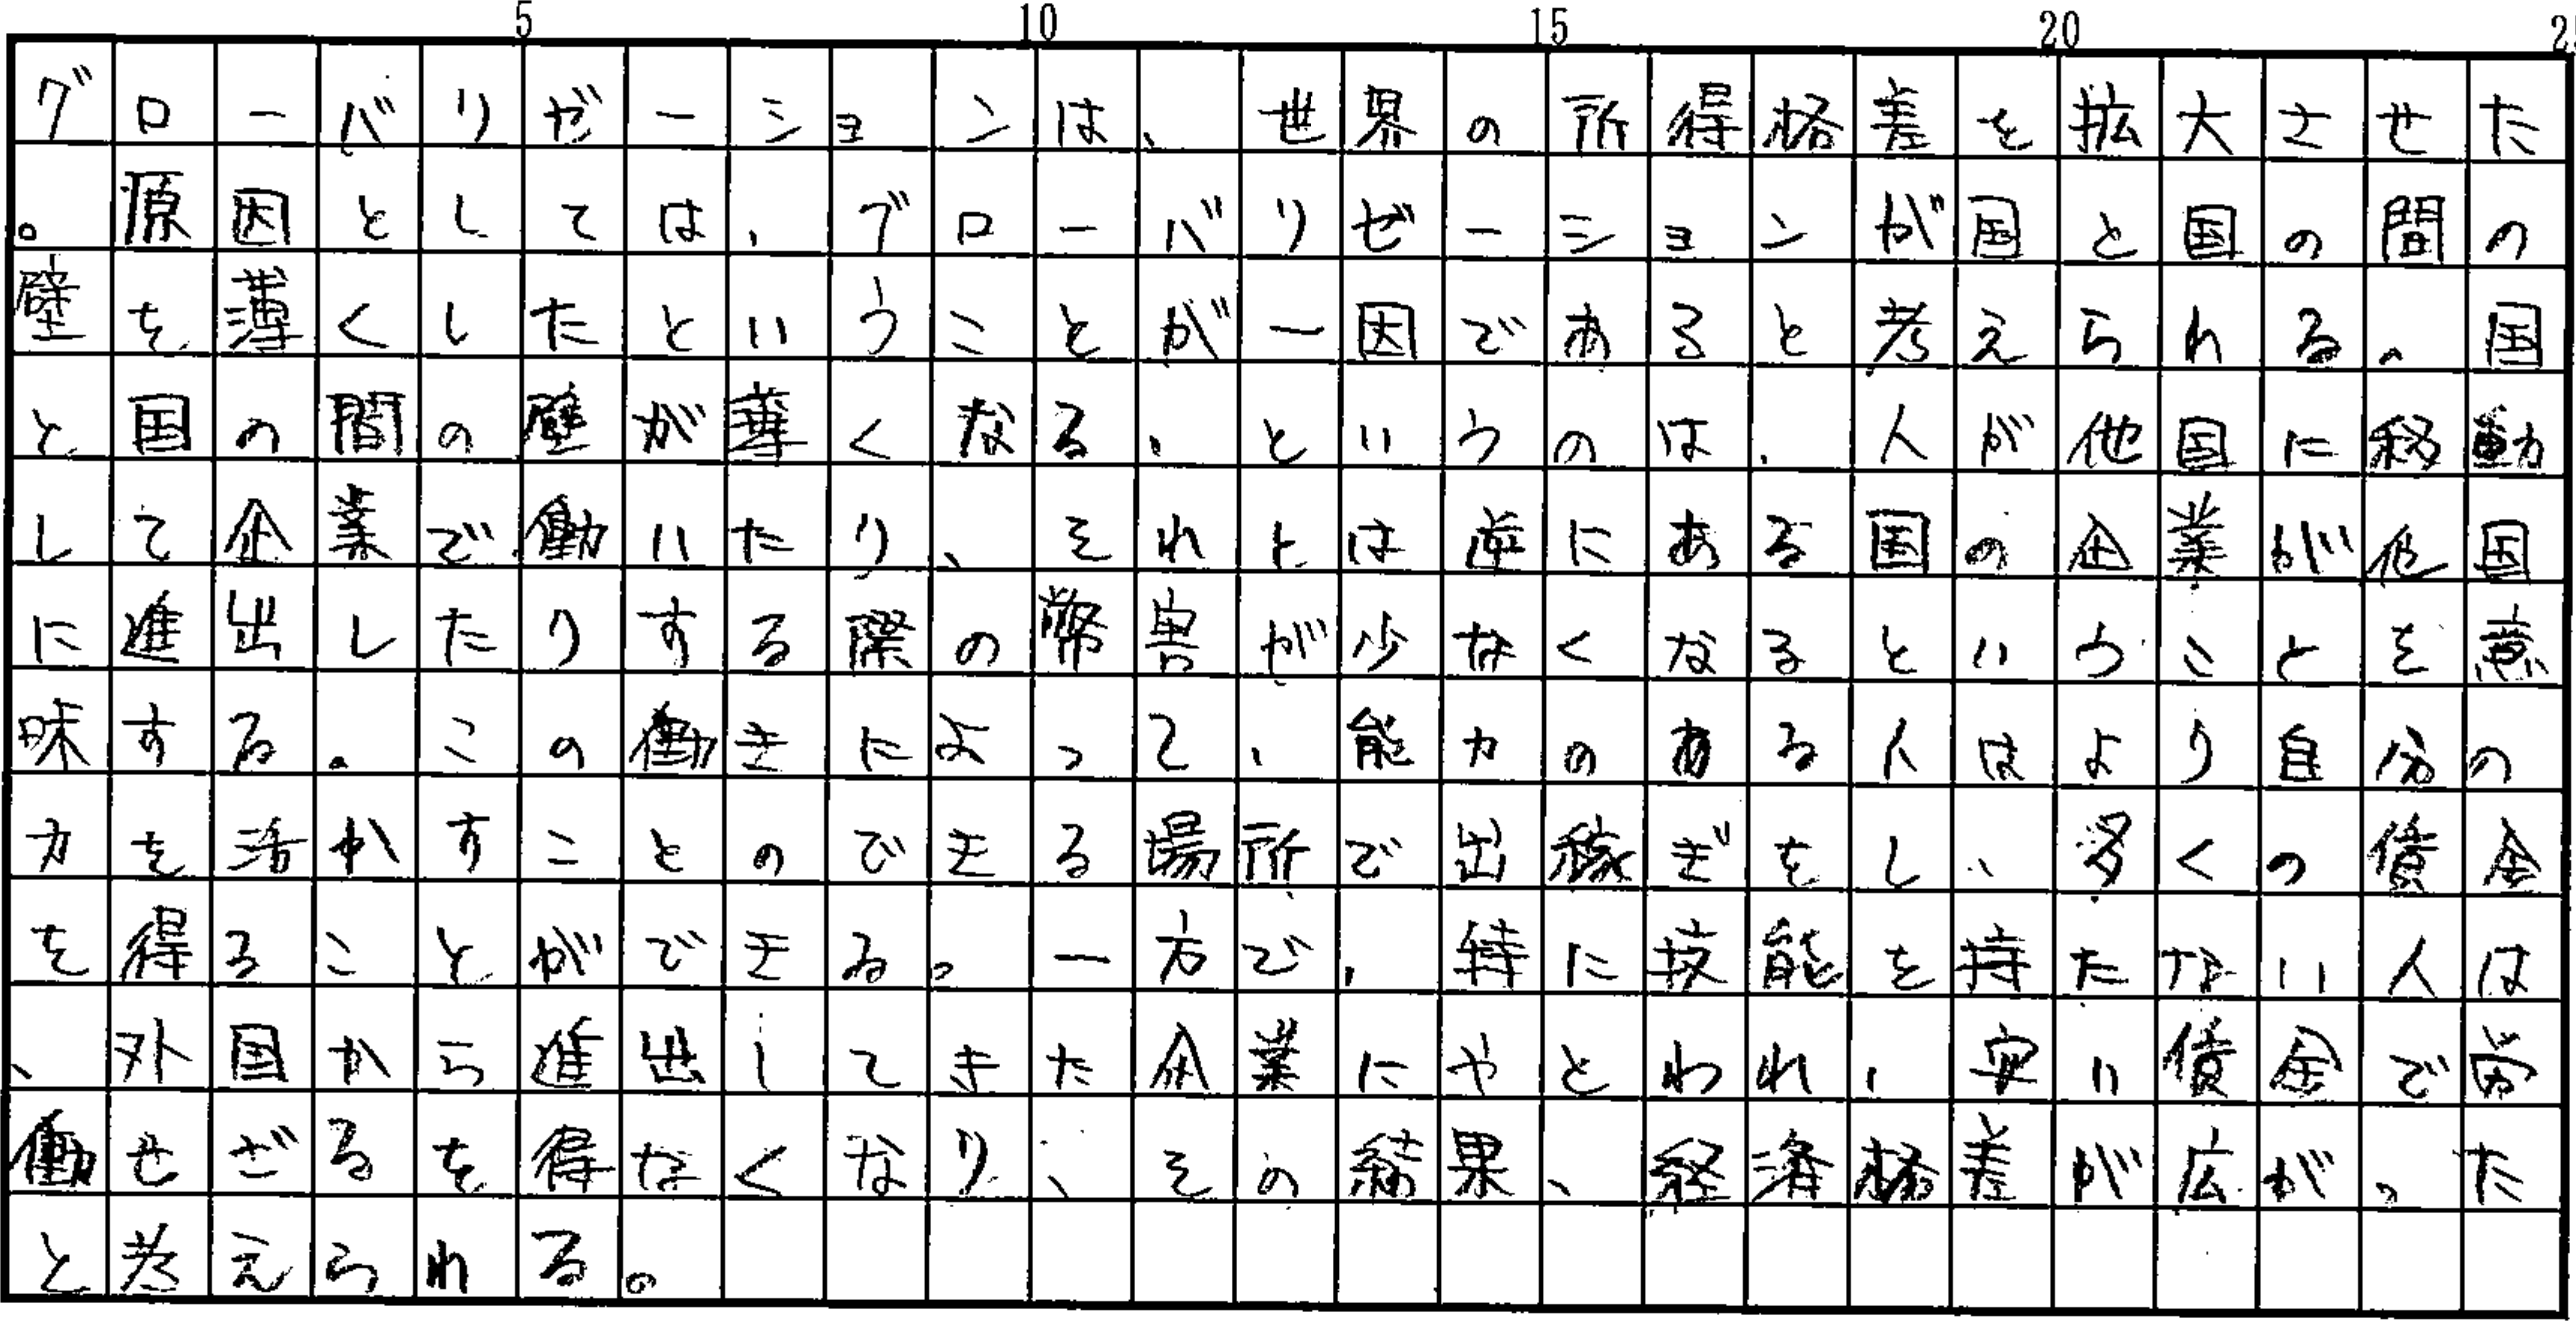グローバリゼーションは、世界の所得格差を拡大させた。原因としては、グローバリゼーションが国と国の間の壁を薄くしたということが一因であると考えられる。国と国の間の壁が薄くなる、というのは、人が他国に移動して企業で働いたり、それとは逆にある国の企業が他国に進出したりする際の幣害が少なくなるということを意味する。この働きによって、能力のある人はより自分の力を活かすことのできる場所で出稼ぎをし、多くの賃金を得ることができる。一方で、特に技能を持たない人は、外国から進出してきた企業にやとわれ、安い賃金で労働せざるを得なくなり、その結果、経済格差が広がったと考えられる。
